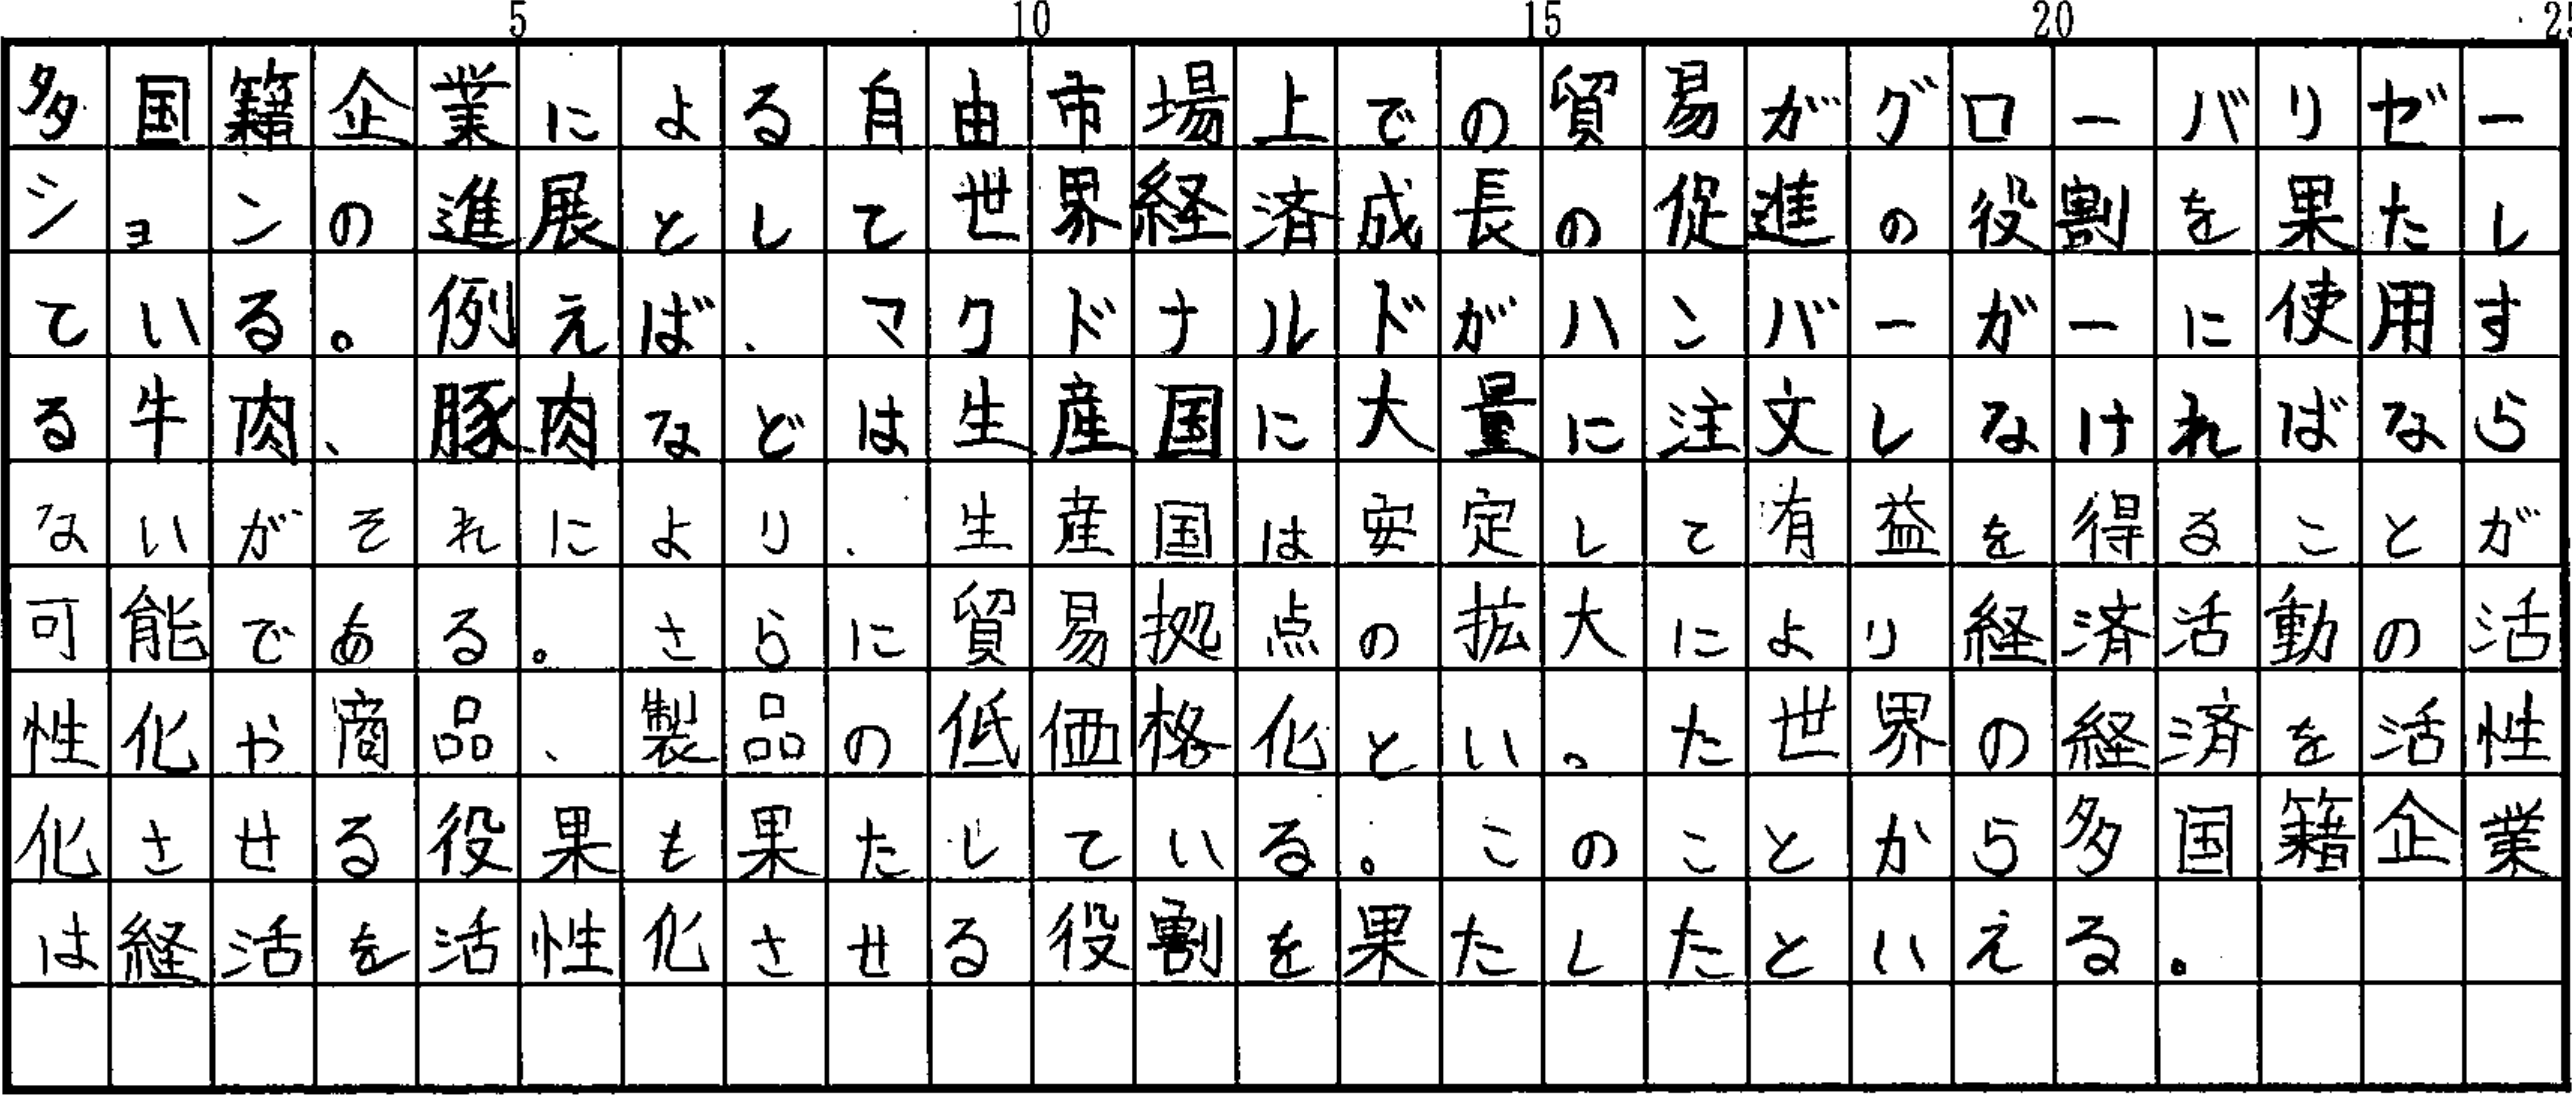多国籍企業による自由市場上での貿易がグローバリゼーションの進展として世界経済成長の促進の役割を果たしている。例えば、マクドナルドがハンバーガーに使用する牛肉、豚肉などは生産国に大量に注文しなければならないがそれにより、生産国は安定して有益を得ることが可能である。さらに貿易拠点の拡大により経済活動の活性化や商品、製品の低価格化といった世界の経済を活性化させる役果も果たしている。このことから多国籍企業は経活を活性化させる役割を果たしたといえる。
